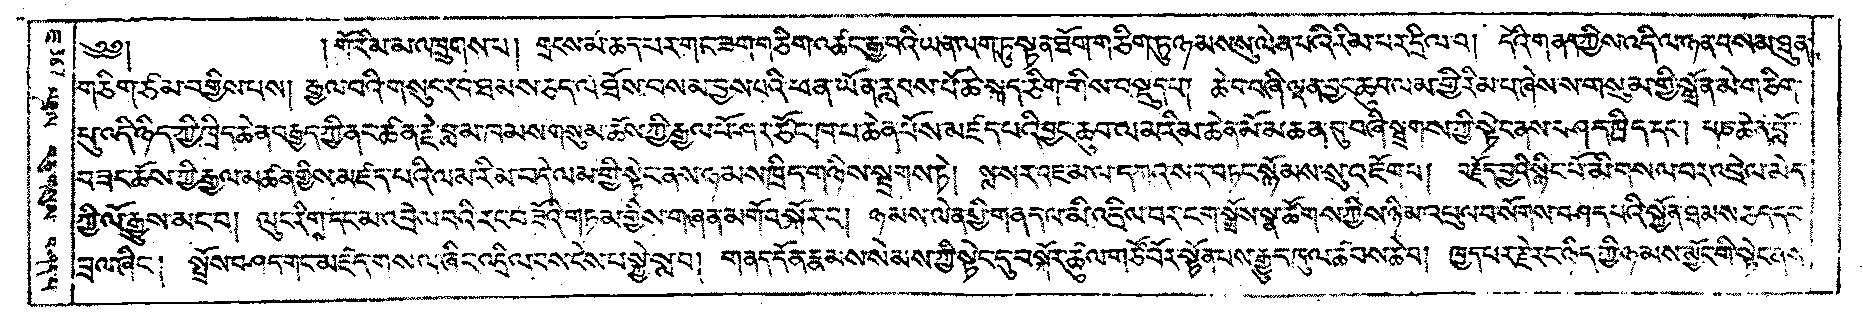༄༅། །གོ་རིམ་མ་འཁྲུགས་པ། གྲངས་མ་ཆད་པར་གང་ཟག་གཅིག་འཚང་རྒྱ་བའི་ཡན་ལག་ཏུ་སྟན་ཐོག་གཅིག་ཏུ་ཉམས་སུ་ལེན་པའི་རིམ་པར་དྲིལ་བ། དེའི་གནད་ཀྱིས་འདི་ལ་ཉན་བསམ་ཐུན་
གཅིག་ཙམ་བགྱིས་པས། རྒྱལ་བའི་གསུང་རབ་ཐམས་ཅད་ལ་ཐོས་བསམ་བྱས་པའི་ཕན་ཡོན་རླབས་པོ་ཆེ་སྐད་ཅིག་གིས་བསྡུད་པ། ཆེ་བ་བཞི་ལྡན་བྱང་ཆུབ་ལམ་གྱི་རིམ་པ་ཞེས་ས་གསུམ་གྱི་སྒྲོན་མེ་གཅིག་
པུ་འདི་ཉིད་ཀྱི་ཁྲིད་ཆེན་བརྒྱད་ཀྱི་ནང་ཚན་རྗེ་བླ་མ་ཁམས་གསུམ་ཆོས་ཀྱི་རྒྱལ་པོ་ཤར་ཙོང་ཁ་པ་ཆེན་པོས་མཛད་པའི་བྱང་ཆུབ་ལམ་རིམ་ཆེན་མོ་མཆན་བུ་བཞི་སྦྲགས་ཀྱི་སྟེང་ནས་བཤད་ཁྲིད་དང་། པཎ་ཆེན་བློ་
བཟང་ཆོས་ཀྱི་རྒྱལ་མཚན་གྱིས་མཛད་པའི་ལམ་རིམ་བདེ་ལམ་གྱི་སྟེང་ནས་ཉམས་ཁྲིད་གཉིས་སྦྲགས་ཏེ། སླ་སར་འཇམ་ལ་དཀའ་སར་བཏང་སྙོམས་སུ་འཇོག་པ། བརྗོད་བྱའི་སྙིང་པོ་མི་གསལ་བར་འབྲེལ་མེད་
ཀྱི་ལོ་རྒྱུས་མང་བ། ལུང་རིགས་དང་མ་འབྲེལ་བའི་རང་བཟོའི་གཏམ་གྱིས་གཞན་མགོ་བསྐོར་བ། ཉམས་ལེན་གྱི་གནད་ལ་མི་འདྲིལ་བར་ངག་སྒྲོས་སྣ་ཚོགས་ཀྱིས་ཉི་མ་འཕུལ་བ་སོགས་བཤད་པའི་སྐྱོན་ཐམས་ཅད་དང་
བྲལ་ཞིང་། སྤྲོས་བཤད་གང་མཛད་གསལ་ཞིང་འདྲིལ་བས་ངེས་པ་སྐྱེ་སླ་བ། གནད་དོན་རྣམས་སེམས་ཀྱི་སྟེང་དུ་བསྐོར་ཚུལ་གཙོ་བོར་སྟོན་པས་རྒྱུད་ཁུལ་ཚབས་ཆེ་བ། ཁྱད་པར་རྗེ་རང་ཉིད་ཀྱི་ཉམས་མྱོང་གི་སྟེང་ནས་